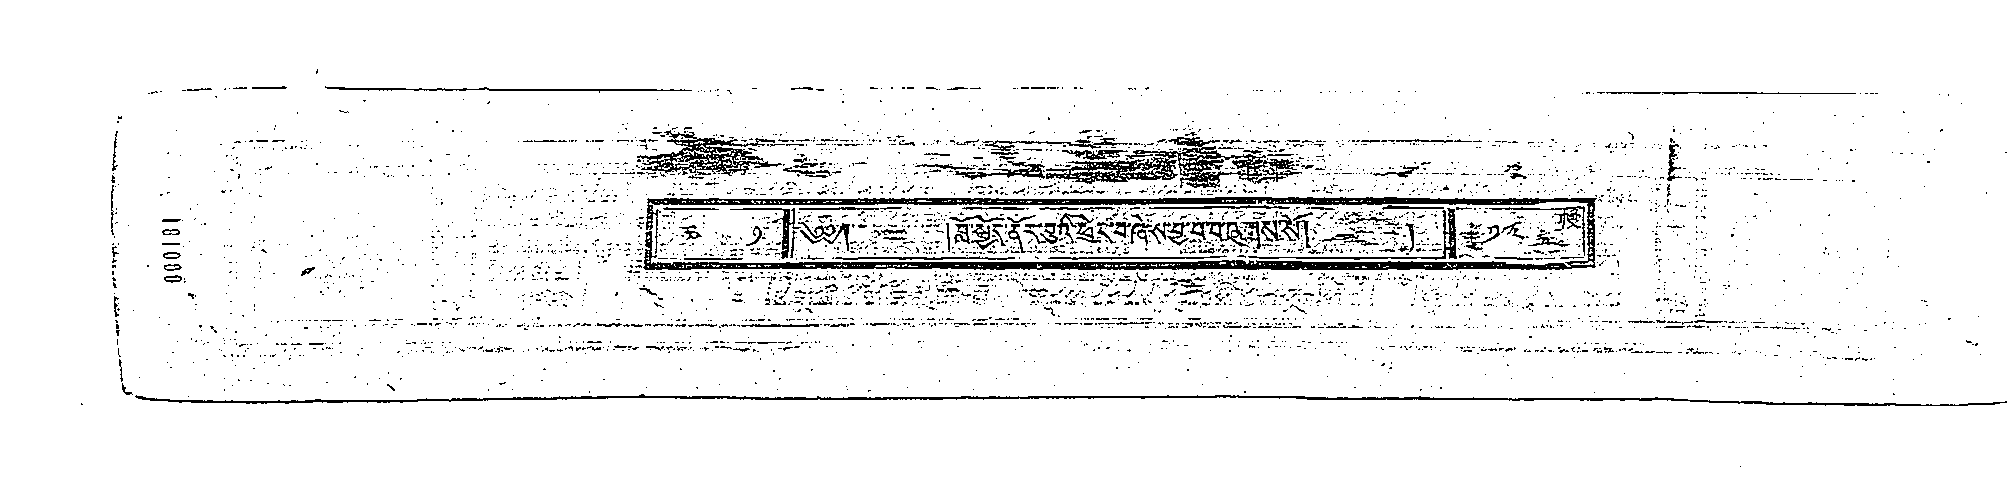ང༦?
༢༣་༄༅། །བློ་སྦྱོང་ནོར་བུའི་ཕྲེང་བ་ཞེས་བྱ་བ་བཞུགས་སོ། ཆ ༡